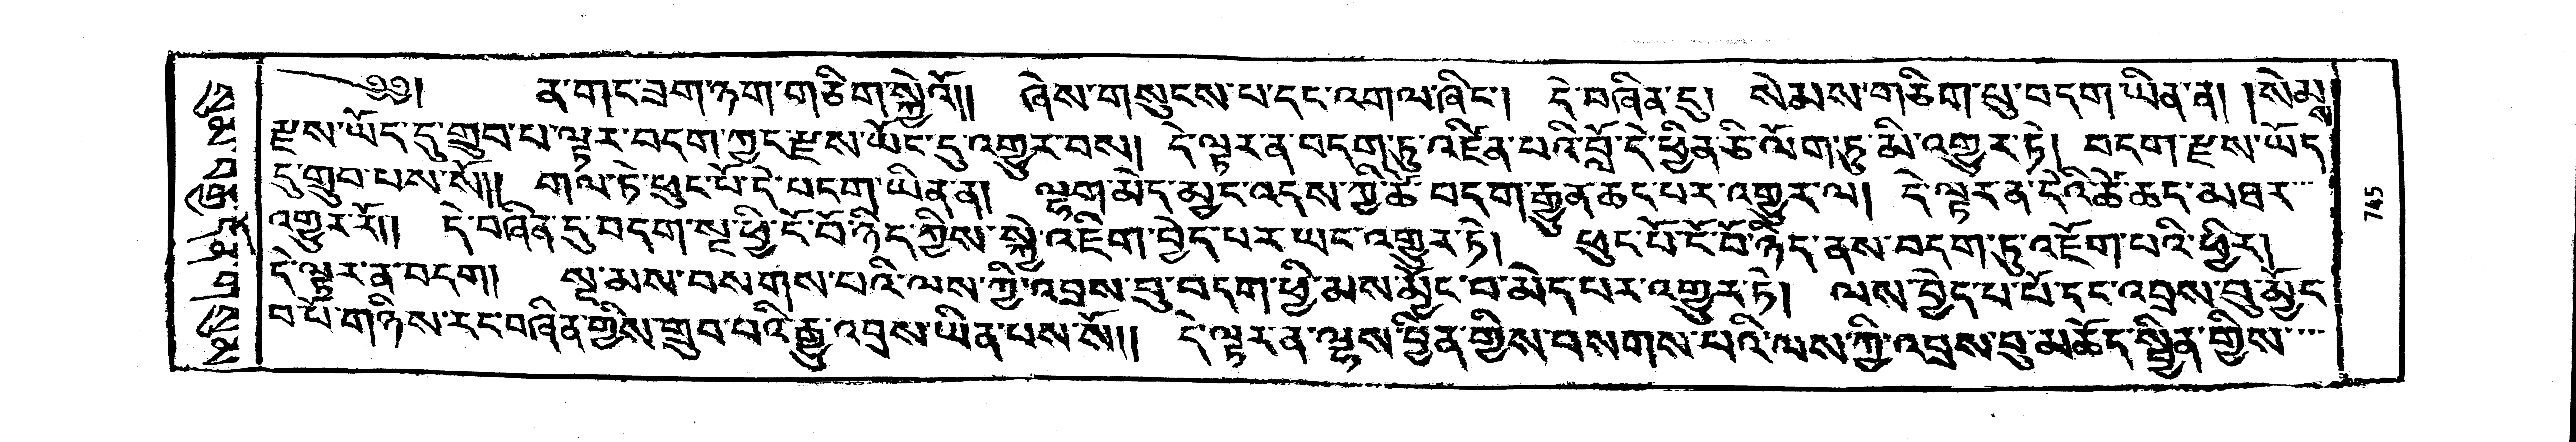༄༅། །ན་གང་ཟག་ཉག་གཅིག་སྐྱེའོ། །ཞེས་གསུངས་པ་དང་འགལ་ཞིང་། དེ་བཞིན་དུ། སེམས་གཅིག་པུ་བདག་ཡིན་ན། །སེམས་
རྫས་ཡོད་དུ་གྲུབ་པ་ལྟར་བདག་ཀྱང་རྫས་ཡོད་དུ་འགྱུར་བས། དེ་ལྟར་ན་བདག་ཏུ་འཛིན་པའི་བློ་དེ་ཕྱིན་ཅི་ལོག་ཏུ་མི་འགྱུར་ཏེ། བདག་རྫས་ཡོད་
དུ་གྲུབ་པས་སོ། །གལ་ཏེ་ཕུང་པོ་དེ་བདག་ཡིན་ན། ལྷག་མེད་མྱང་འདས་ཀྱི་ཚེ་བདག་རྒྱུན་ཆད་པར་འགྱུར་ལ། དེ་ལྟར་ན་དེའི་ཚེ་ཆད་མཐར་
འགྱུར་རོ། །དེ་བཞིན་དུ་བདག་སྔ་ཕྱི་ངོ་བོ་ཉིད་ཀྱིས་སྐྱེ་འཇིག་བྱེད་པར་ཡང་འགྱུར་ཏེ། ཕུང་པོ་ངོ་བོ་ཉིད་ནས་བདག་ཏུ་འཇོག་པའི་ཕྱིར།
དེ་ལྟར་ན་བདག། སྔ་མས་བསགས་པའི་ལས་ཀྱི་འབྲས་བུ་བདག་ཕྱི་མས་མྱོང་བ་མེད་པར་འགྱུར་ཏེ། ལས་བྱེད་པ་པོ་དང་འབྲས་བུ་མྱོང་
བ་པོ་གཉིས་རང་བཞིན་གྱིས་གྲུབ་པའི་རྒྱུ་འབྲས་ཡིན་པས་སོ། །དེ་ལྟར་ན་ལྷས་བྱིན་གྱིས་བསགས་པའི་ལས་ཀྱི་འབྲས་བུ་མཆོད་སྦྱིན་གྱིས་